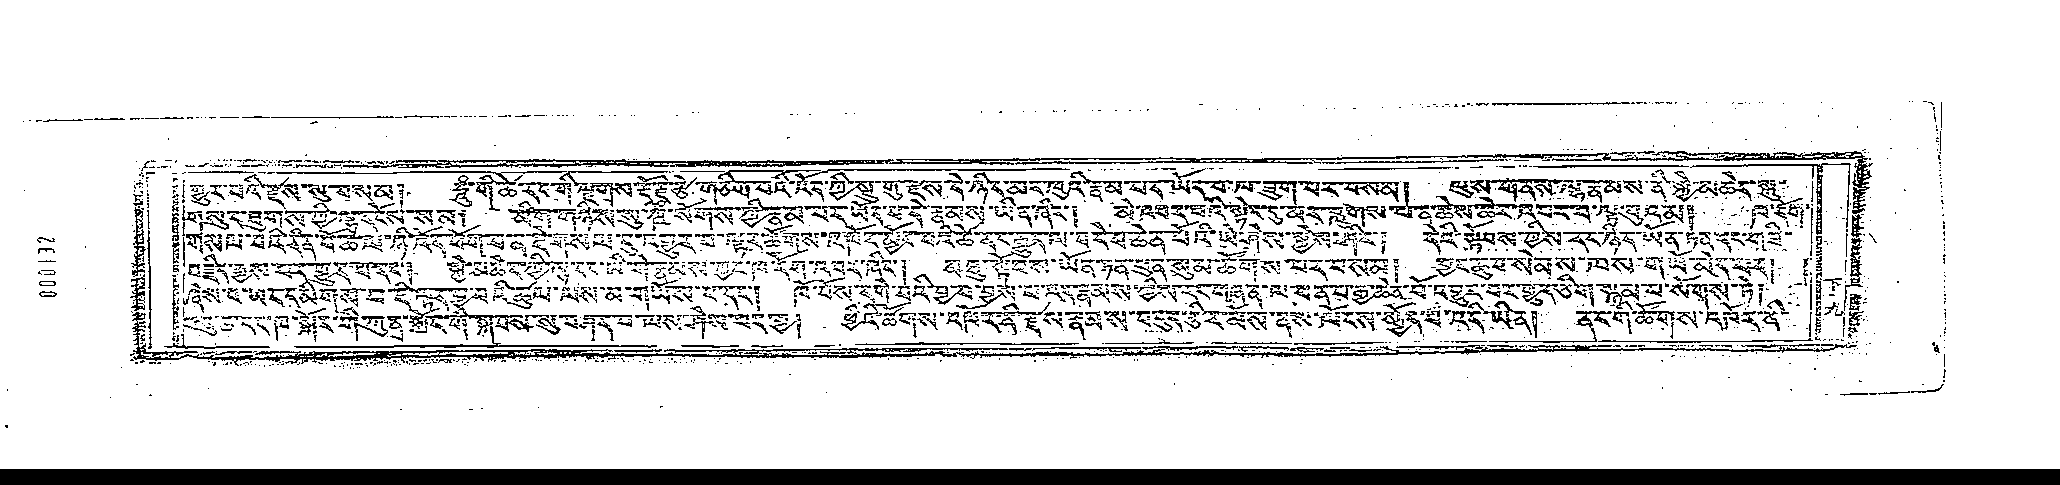གྱུར་པའི་རྫས་སུ་བསམ། ཧཱུཾ་གི་ཚེ་རང་གི་ལྗགས་རྡོ་རྗེ་རྩེ་གཅིག་པའི་འོད་ཀྱི་སྤུ་གུ་རྫས་དེ་ཉིད་མར་ཁུའི་རྣམ་པར་ཡོད་པ་ལ་ཟུག་པར་བསམ། ལུས་གནས་ལྷ་རྣམས་ནི་སྐྱེ་མཆེད་སྐུ་
གསུང་ཐུགས་ཀྱི་ལྷ་དངོས་སམ། མིག་གཉིས་སུ་ཀྵིཾ་སོགས་ཀྱི་རྣམ་པར་ཡོད་པ་དེ་རྣམས་ཡིན་ཞིང་། མེ་འབར་བའི་སྟེང་དུ་མར་བླུགས་པ་ན་ཆེས་ཆེར་འབར་བ་ལྟ་བུའམ། ཁ་དོག་
གསལ་བའི་རིན་པོ་ཆེ་ལ་ཉི་འོད་ཕོག་པ་ན་ཇེ་གསལ་དུ་འགྱུར་བ་ལྟར་ཚོགས་འཁོར་མྱོང་བའི་ཚེ་རང་རྒྱུད་ལ་བདེ་བ་ཆེན་པོའི་ཡེ་ཤེས་སྐྱེས་ཤིང་། དེའི་སྟོབས་ཀྱིས་རང་ཉིད་ཡོན་ཏན་དང་གཟི་
བརྗིད་རྒྱས་པར་གྱུར་པ་དང་། སྐྱེ་མཆེད་ཀྱི་ལྷ་དང་ཡི་གེ་རྣམས་ཀྱང་ཁ་དོག་འབར་ཞིང་། མཐུ་སྟོབས་ཡོན་ཏན་ཕུན་སུམ་ཚོགས་པར་བསམ། བྱང་ཆུབ་སེམས་ལས་གཡོ་མེད་པར། །
ཞེས་པ་ཡང་དམིགས་པ་ཇི་ལྟར་བྱ་བའི་ཚུལ་ལས་མ་གཡོས་པ་དང་། ཁོ་བོས་དགེ་བའི་བྱ་བ་བྱས་བ་འདི་རྣམས་ཀྱིས་རང་གཞན་ལ་ཕན་པ་རྒྱ་ཆེན་པོ་འབྱུང་བར་གྱུར་ཅིག་སྙམ་པ་སོགས་ཏེ།
བཅུ་ཆ་དང་ཁ་སྐོང་གི་ཀུན་སློང་གི་སྐབས་སུ་བཤད་པ་ལས་ཤེས་པར་བྱ། ཕྱིའི་ཚོགས་འཁོར་ནི་རྫས་རྣམས་བདུད་རྩིར་མོས་ནས་ལོངས་སྤྱོད་པ་འདི་ཡིན། ནང་གི་ཚོགས་འཁོར་ནི་